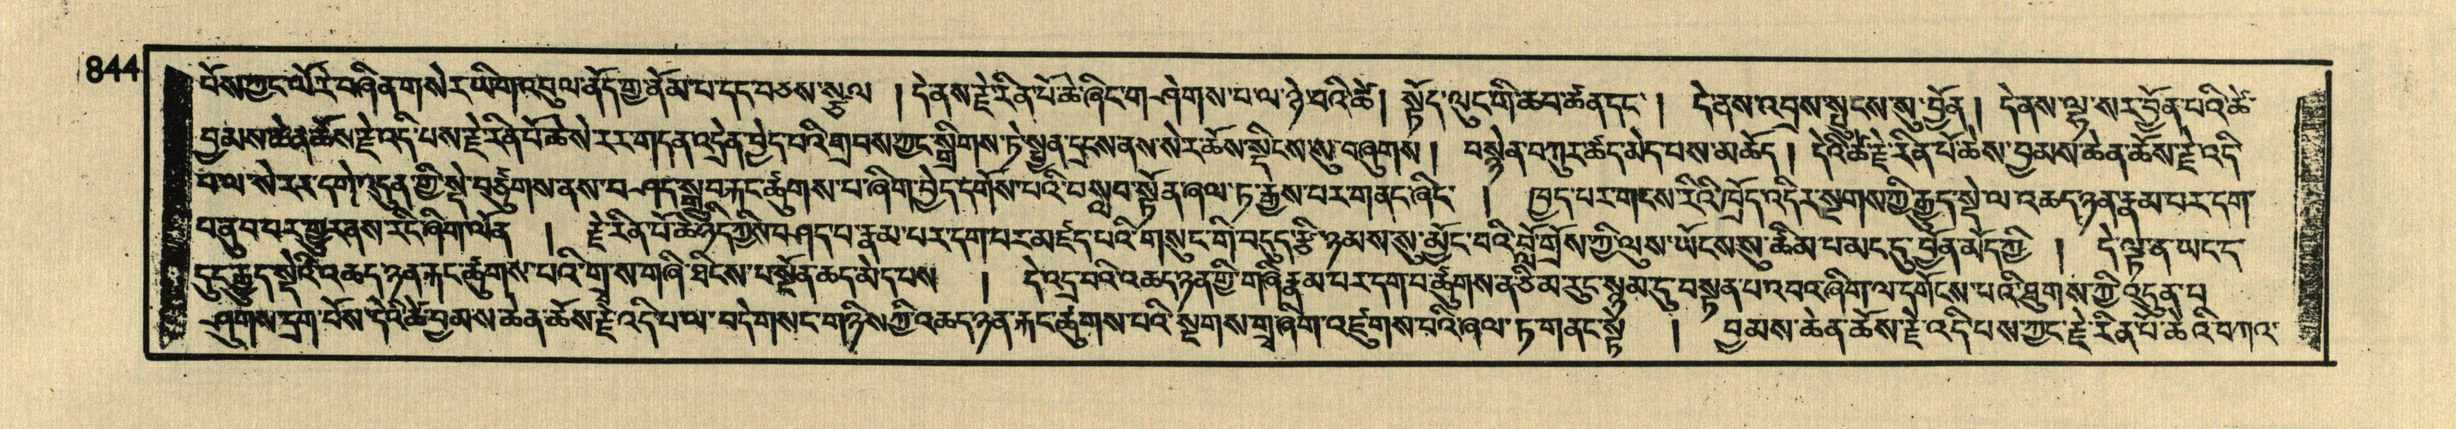པོས་ཀྱང་ལོ་རེ་བཞིན་གསེར་ཡིག་འབུལ་ནོད་གྱ་ནོམ་པ་དང་བཅས་སྩལ་།དེ་ནས་རྗེ་རིན་པོ་ཆེ་ཞིང་གཤེགས་པ་ལ་ཉེ་བའི་ཚེ། སྟོད་ལུང་གི་ཆབ་ཚན་དང་། དེ་ནས་འབྲས་སྤུངས་སུ་བྱོན། དེ་ནས་ལྷ་སར་བྱོན་པའི་ཚེ་
བྱམས་ཆེན་ཆོས་རྗེ་འདི་པས་རྗེ་རིན་པོ་ཆེ་སེ་རར་གདན་འདྲེན་བྱེད་པའི་གྲབས་ཀྱང་སྒྲིགས་ཏེ་སྤྱན་དྲངས་ནས་སེ་ར་ཆོས་སྡིངས་སུ་བཞུགས། བསྙེན་བཀུར་ཚད་མེད་པས་མཆོད། དེའི་ཚེ་རྗེ་རིན་པོ་ཆེས་བྱམས་ཆེན་ཆོས་རྗེ་འདི་
པ་ལ་སེ་རར་དགེ་འདུན་གྱི་སྡེ་བཙུགས་ནས་བཤད་སྒྲུབ་རྐང་ཚུགས་པ་ཞིག་བྱེད་དགོས་པའི་བསླབ་སྟོན་ཞལ་ཏ་རྒྱས་པར་གནང་ཞིང་། ཁྱད་པར་གངས་རིའི་ཁྲོད་འདིར་སྔགས་ཀྱི་རྒྱུད་སྡེ་ལ་འཆད་ཉན་རྣམས་པར་དག་
བ་ནུབ་པར་གྱུར་ནས་རིང་ཞིག་ལོན། རྗེ་རིན་པོ་ཆེ་ཉིད་ཀྱིས་བཤད་པ་རྣམ་པར་དག་པར་མཛད་པའི་གསུང་གི་བདུད་རྩི་ཉམས་སུ་མྱོང་བའི་བློ་གྲོས་ཀྱི་ལུས་ཡོངས་སུ་ཚིམ་པ་མང་དུ་བྱོན་མོད་ཀྱི། དེ་ལྟ་ན་ཡང་ད་
དུང་རྒྱུད་སྡེའི་འཆད་ཉན་རྐང་ཚུགས་པའི་གྲྭ་ས་གཞི་ཐིངས་པ་སྔོན་ཆད་མེད་པས། དེ་འདྲ་བའི་འཆད་ཉན་གྱི་གཞི་རྣམ་པར་དག་པ་ཚུགས་ན་ཅི་མ་རུང་སྙམ་དུ་བསྟན་པ་འབའ་ཞིག་ལ་དགོངས་པའི་ཐུགས་ཀྱི་འདུན་པ་
ཤུགས་དྲག་པོས་དེའི་ཚེ་བྱམས་ཆེན་ཆོས་རྗེ་འདི་པ་ལ་བདེ་གསང་གཉིས་ཀྱི་འཆད་ཉན་རྐང་ཚུགས་པའི་སྔགས་གྲྭ་ཞིག་འཛུགས་པའི་ཞལ་ཏ་གནང་སྟེ། བྱམས་ཆེན་ཆོས་རྗེ་འདི་པས་ཀྱང་རྗེ་རིན་པོ་ཆེའི་བཀའ་